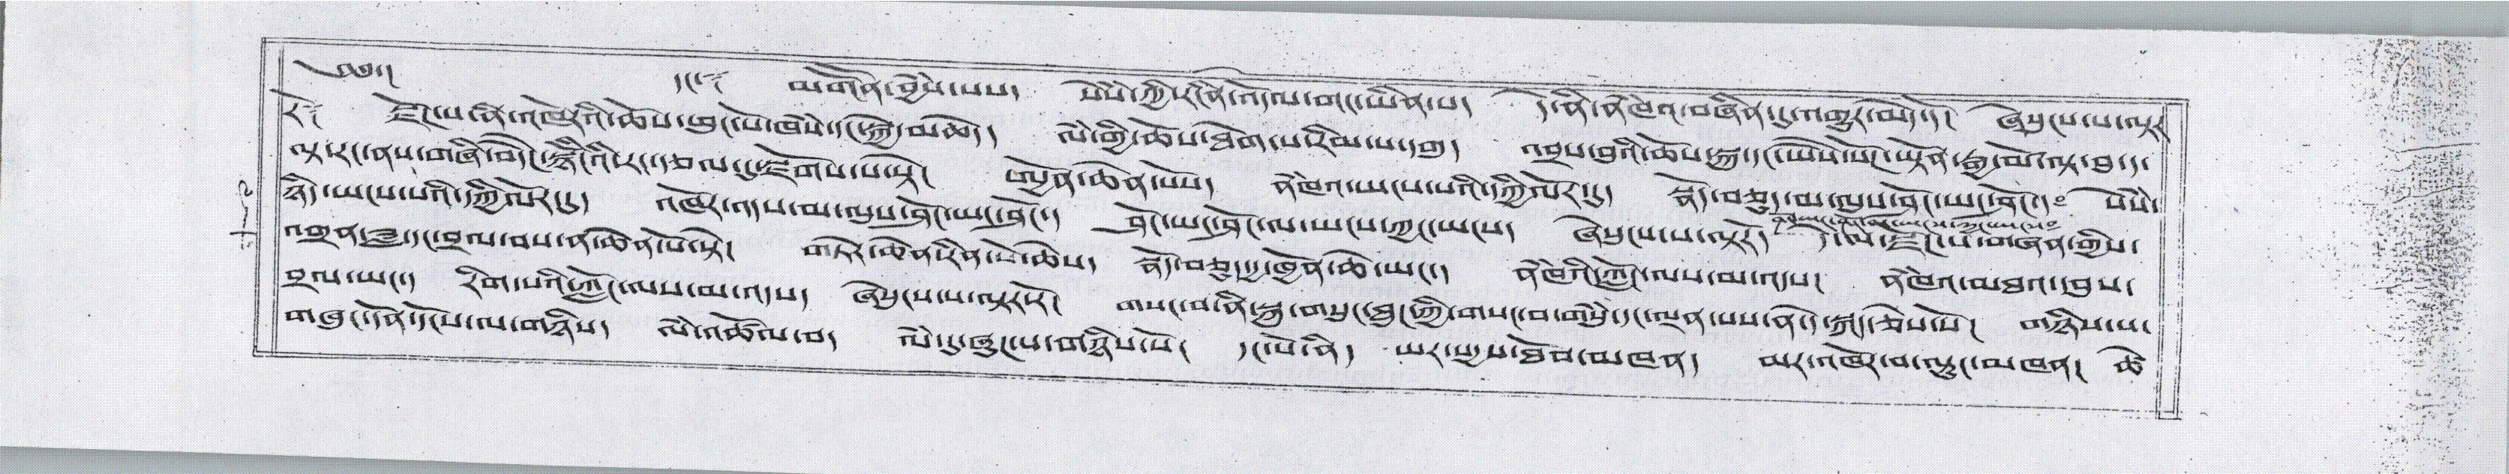དང་། མགོན་པོ་བྱམས་པས། སེམས་ཀྱི་རང་བཞིན་འོད་གསལ་གང་ཡིན་པ། དེ་ནི་ནམ་མཁའ་བཞིན་དུ་འགྱུར་མེད་དོ། ཞེས་གསུངས་པ་ལྟར་
རོ། རྫོགས་པ་ནི་འཁོར་བའི་ཆོས་ཕུང་པོ་ཁམས་དང་སྐྱེ་མཆེད། ལམ་གྱི་ཆོས་ཐེག་པ་རིམ་དགུ། འབྲས་བུའི་ཆོས་སྐུ་དང་ཡེ་ཤེས་སོགས་ཡོན་ཏན་རྒྱ་མཚོ་ལྟ་བུ་ད་
ལྟ་རང་ནས་གཞི་བདེར་གཤེགས་སྙིང་པོའི་རང་རྩལ་དུ་རྫོགས་པ་སྟེ། ཨོ་རྒྱན་ཆེན་པོས། ནམ་མཁའ་ཡངས་པའི་དཀྱིལ་འཁོར་དུ། སྣོད་བཅུད་མ་ལུས་ཤོང་ཡང་ཤོང་། ཤོང་ཡངས་ཤོང་མི་ཡངས་ཀྱང་ཡངས། སེམས་
ཉིད་ཡངས་པའི་དཀྱིལ་འཁོར་དུ། འཁོར་འདས་མ་ལུས་ཤོང་ཡང་ཤོང་། ཤོང་ཡང་ཤོང་ལ་ཡངས་ཀྱང་ཡངས། ཞེས་གསུངས་པ་ལྟར་རོ། དེ་ལ་རྫོགས་པ་གཞན་གྱིས་
འགྲན་ཟླ་དང་དང་བྲལ་བས་ན་ཆེན་པོ་སྟེ། གཏེར་ཆེན་རིན་པོ་ཆེས། སྣོད་བཅུད་རྒྱ་ཆེ་ཡང་། ནམ་མཁའི་ཀློང་ལས་མ་འདས། ནམ་མཁའི་མཐའ་དབུས་
བྲལ་ཡང་། རིག་པའི་ཀློང་ལས་མ་འདས། ཞེས་གསུངས་པ་ལྟར་རོ། གསང་བ་ནི་སྐུ་གསུང་ཐུགས་ཀྱི་གསང་བ་གསུམ་དང་ལྡན་པས་ན་དེ་སྐད་ཅེས་སོ། གཉིས་པ་
གཞུང་དོན་དངོས་ལ་གཉིས། ལམ་འཚོལ་བ། ལམ་དུ་ཞུགས་པ་གཉིས་སོ། དང་པོ་ནི། ཡར་རྒྱས་ཐོབ་མཁན། མར་འཁོར་བ་ལྟུང་མཁན། ཚེ་